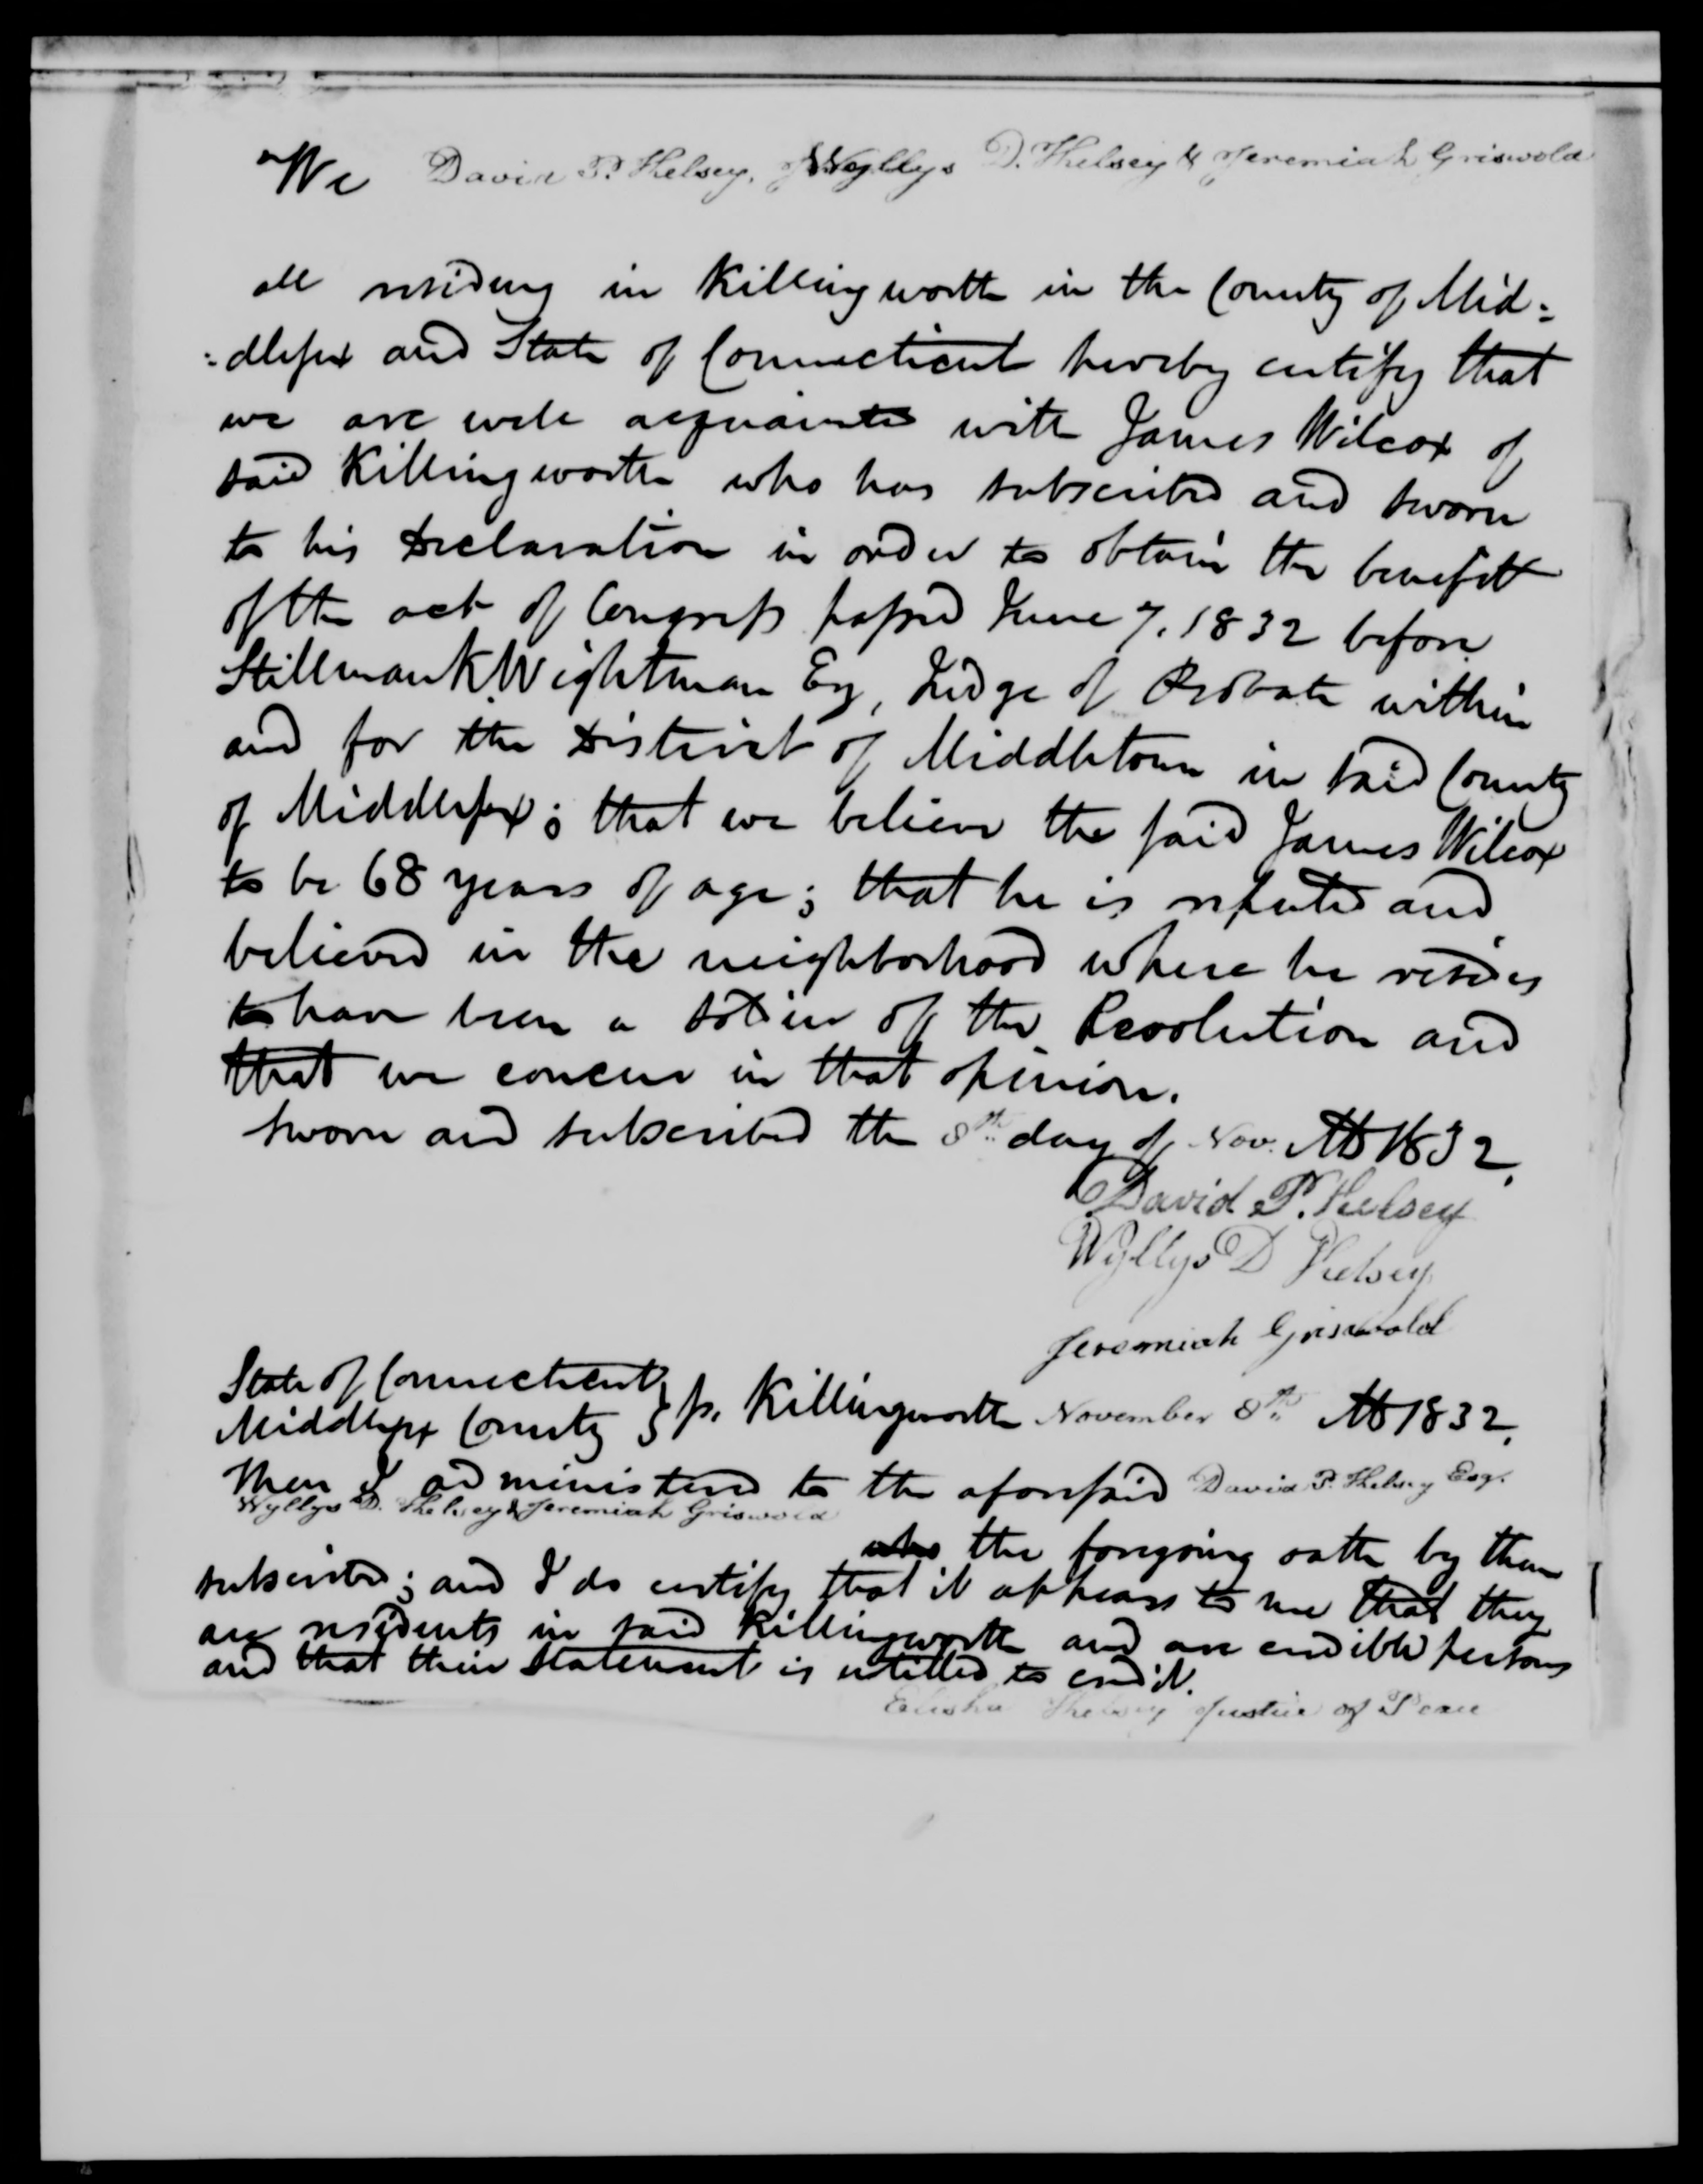We David P. Kelsey, Wyllys D. Kelsey & Jeremiah Griswold
All residing in Killingworth in the County of Middlesex and state of Connecticut hereby certify that we are well acquainted with James Wilcox of said Killingworth who has subscribed and sworn to his declaration in order to obtain the benefit of the act of Congress passed June 7. 1832 before Hillman K Wightman Esq. Judge of Probate within and for the District of Middletown in said County of Middlesex; that we believe the said James Wilcox to be 68 years of age; that he is reputed and believed in the neighborhood where he resides to have been a soldier of the Revolution and that we concur in that opinion.
Sworn and subscribed the 8th day of Nov. AD 1832.
David P Kelsey
Wyllys D Kelsey
Jeremiah Griswold
State of Connecticut, Middlesex County, SS Killingworth November 8th AD 1832.
Then I and ministerd to the aforesaid David P. Kelsey Esq., Wyllys D Kelsey & Jeremiah Griswold also the foregoing oath by them subscribed; and I do certify that it appears to me that they are residents in said Killingworth and are creditable persons and that their statement is entitled to credit.
Elisha Kelsey Justice of Peace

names: Wyllys D Kelsey, Jeremiah Griswold, David P Kelsey, Elisha Kelsey, Stillman K Wightman, James Wilcox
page: 21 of 46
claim: widow's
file: W. 18,417, James Willcox, Conn.